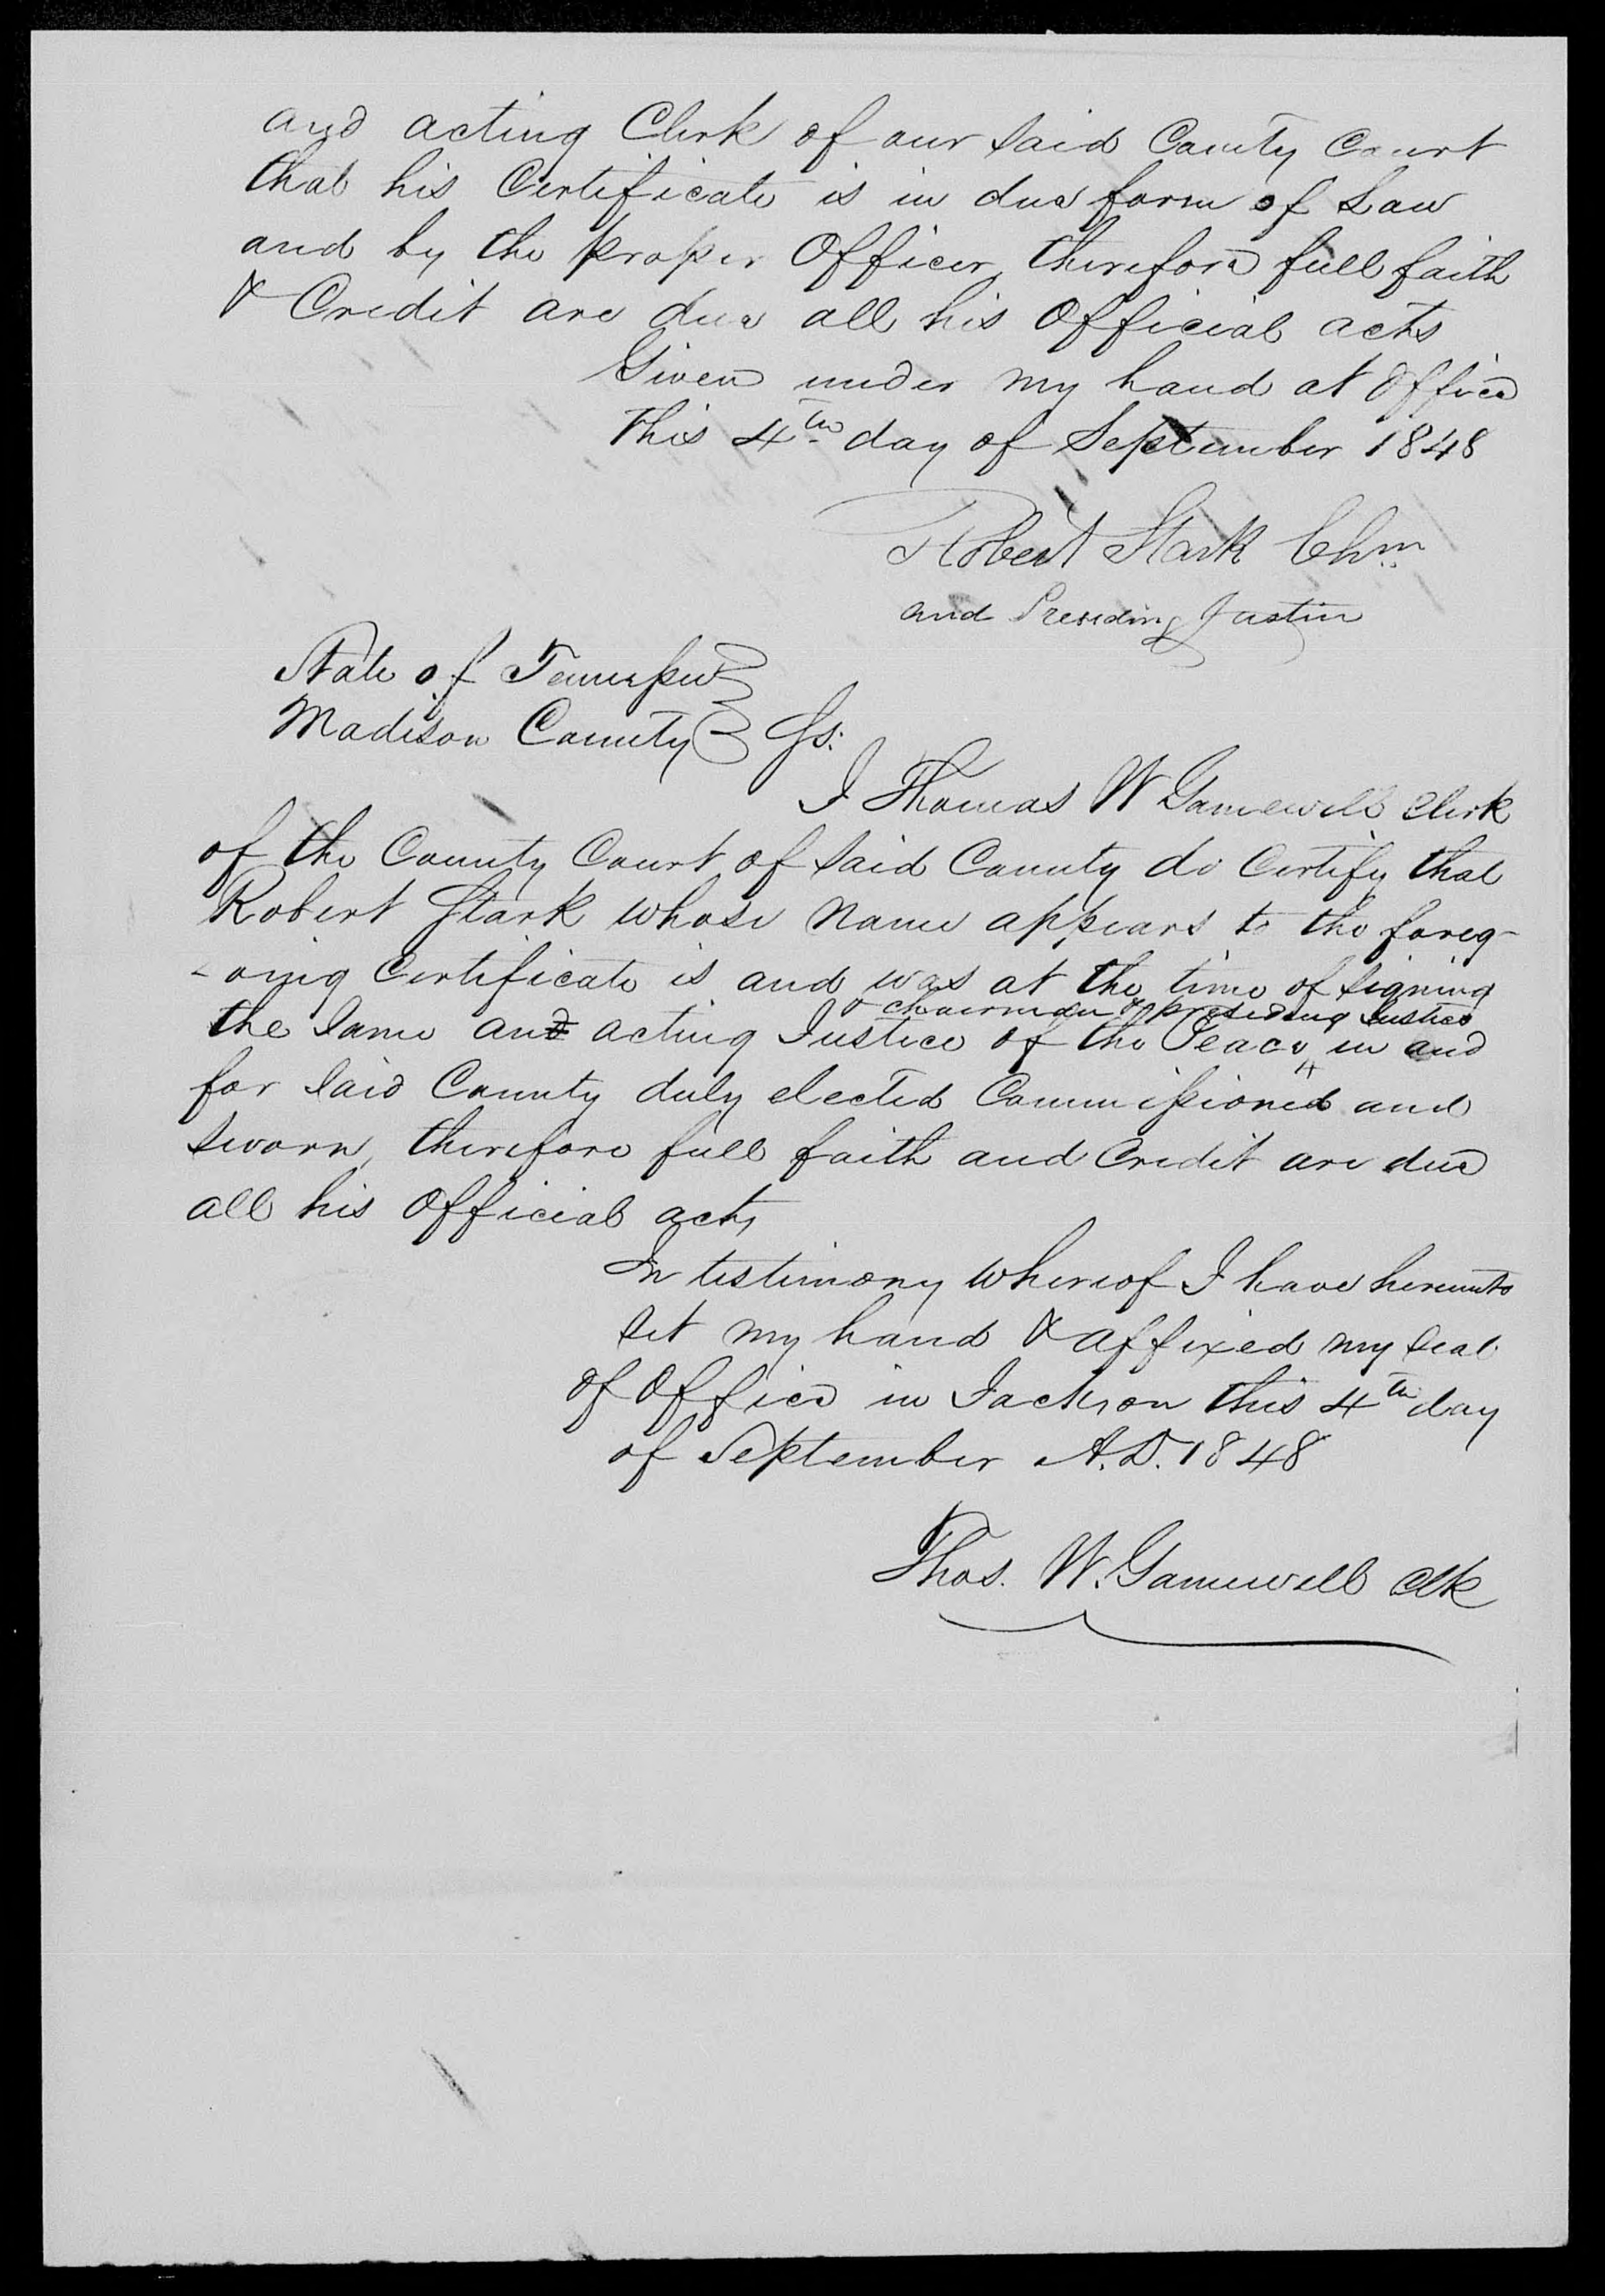and acting Clerk of our said County Court that his Certificate is in due form of Law and by the proper Officer, therefore full faith and credit and due all his Official acts

Given under my and at Office 
This 4th day of September 1848

Robert Stark chm and Presiding Justice

State of Tennessee
Madison County gls

I Thomas W. Gamewell Clerk of the County Court of Said County do Certify that Robert Stark whose name appears to the foregoing certificate is and was at the time of signing the same an acting Just of the Peace and Chairman and presiding Justice in and for said County duly elected Commissioned and Sworn, therefore full faith and Credit are due all his official acts.

In testimony whereof I have hereunto set my hand and affixed my seal of Office in Jackson this 4th day of September A.D. 1848

Thos. W. Gamewell Clk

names: Robert Stark, Thos W Gamewell, Thomas W Gamewell, Robert Stark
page: 35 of 39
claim: widow's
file: W. 789, Richard Fenner, N.C.